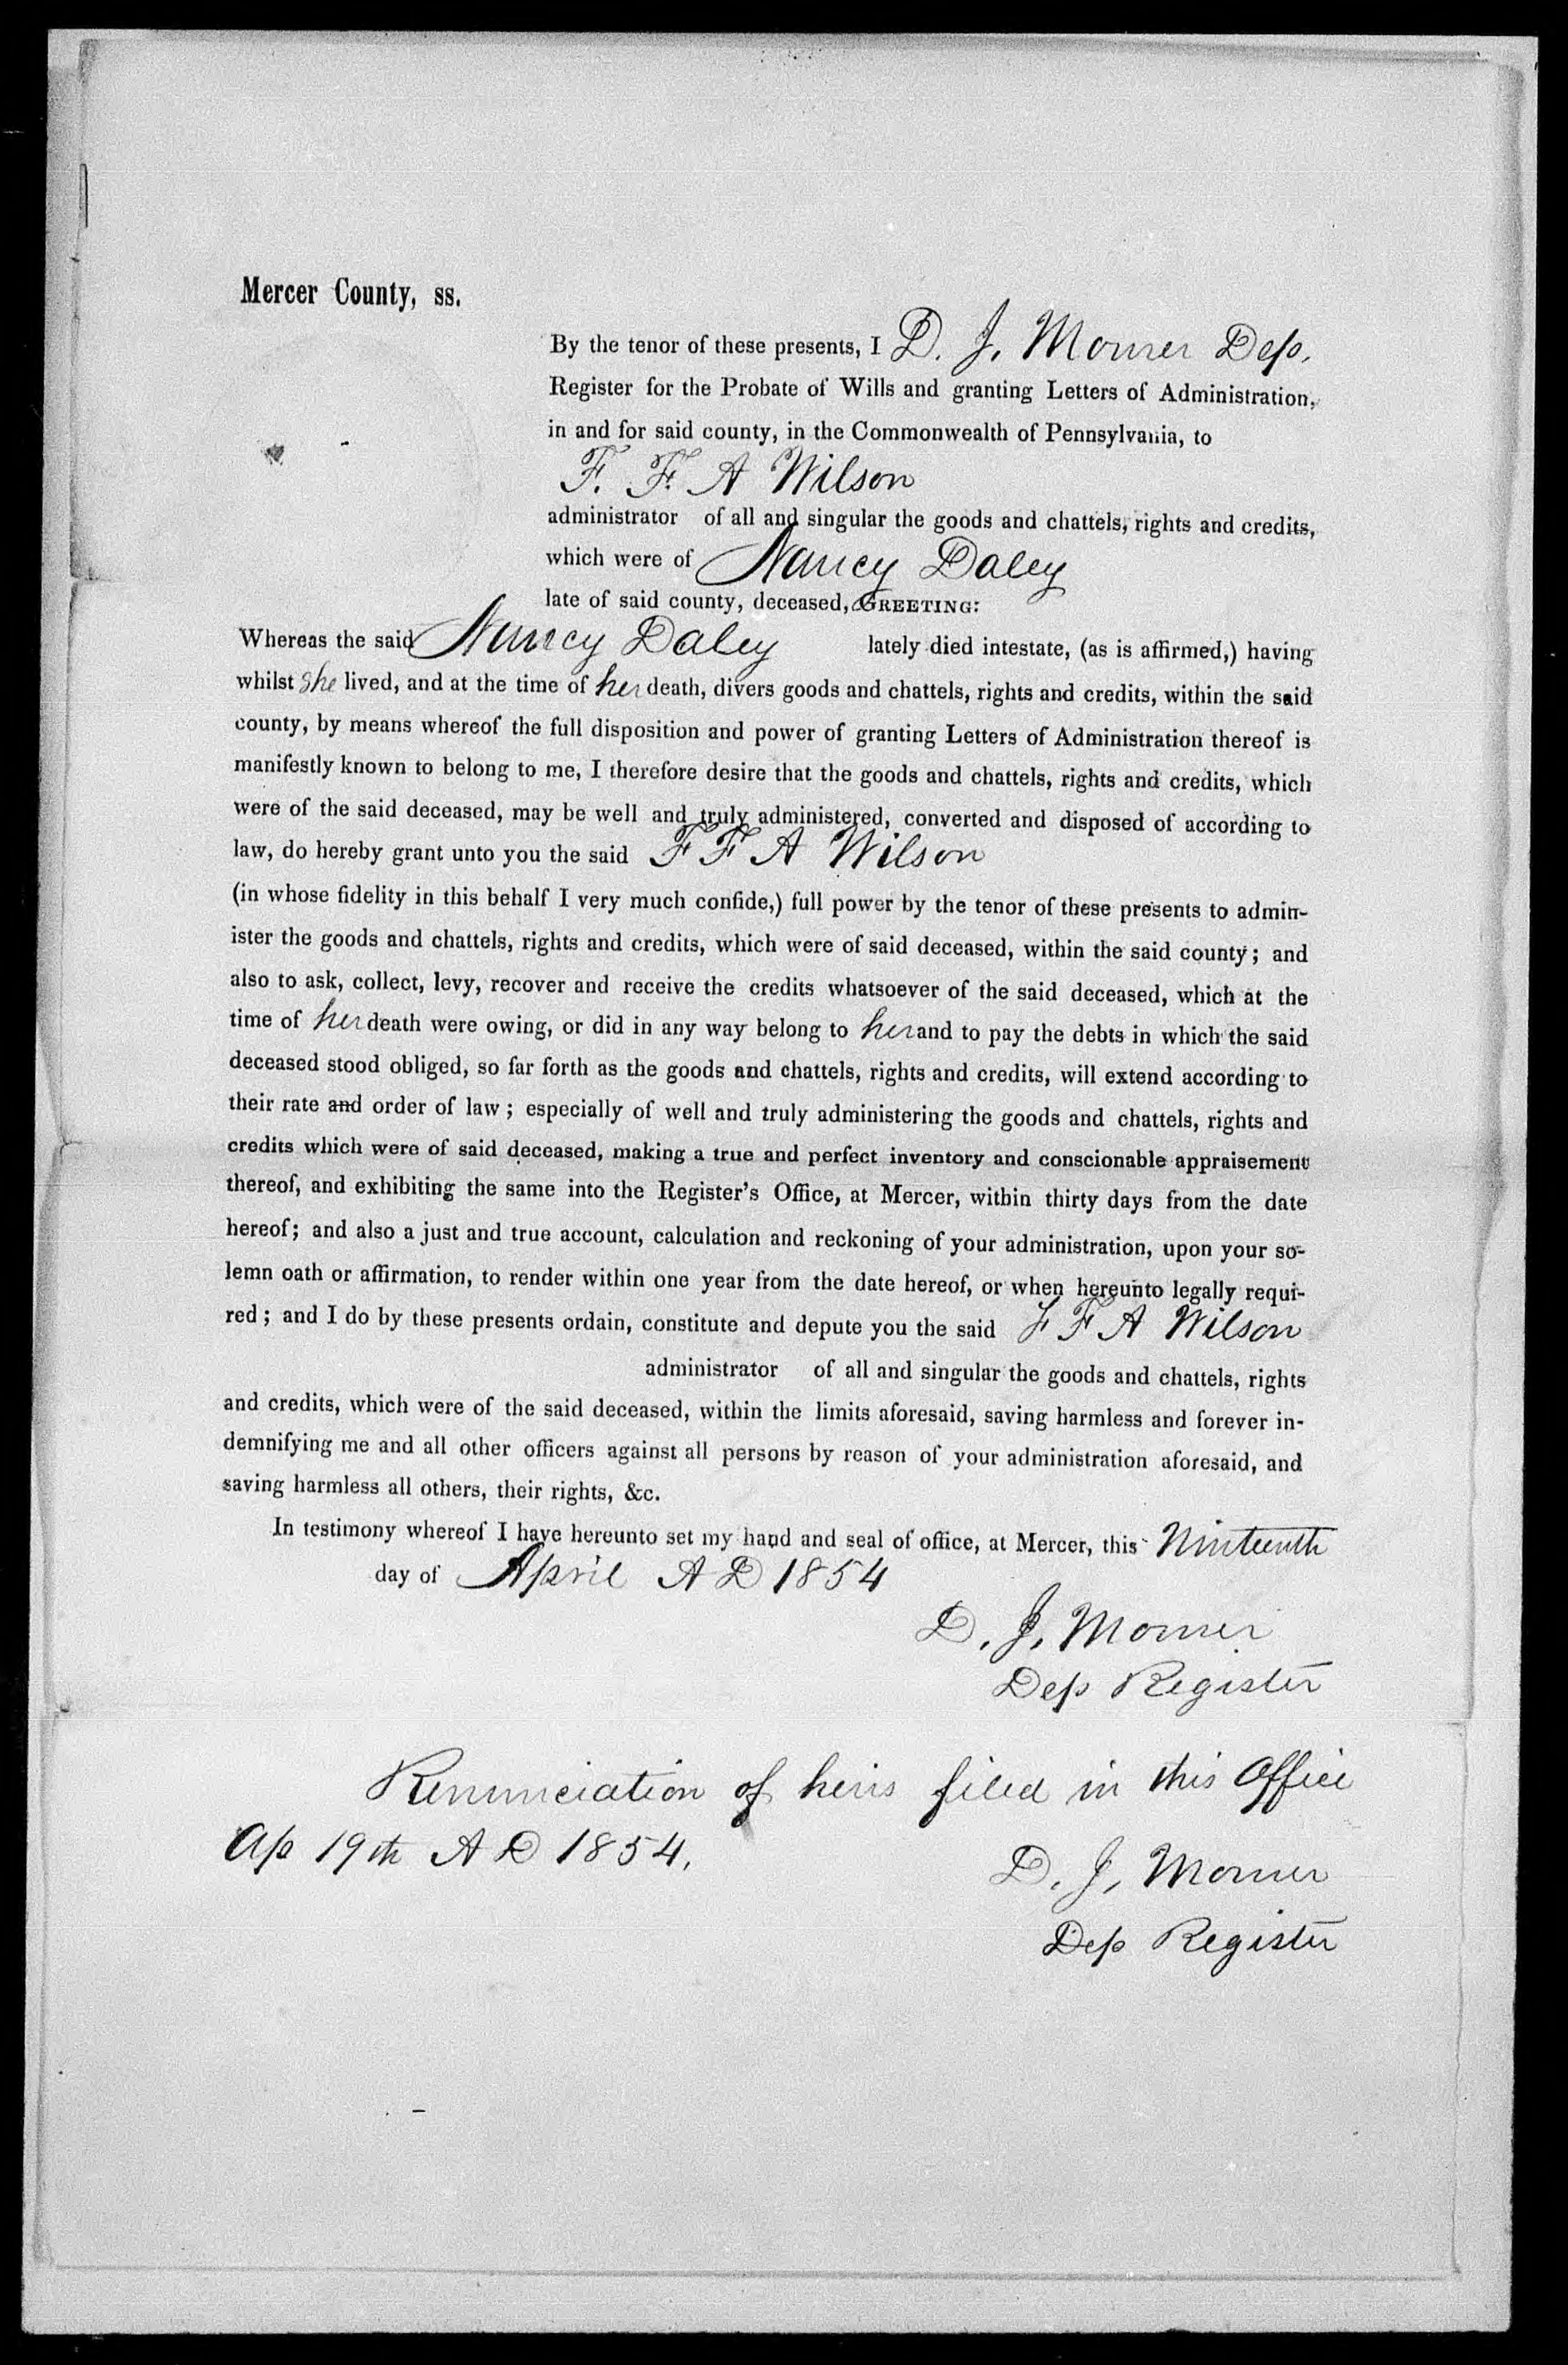Mercer County, ss.
[A large round illegible seal]

By the tenor of these presents, I D. J. Mourer Dep. Register for the Probate of Wills and granting Letters of Administration, in and for said county, in the Commonwealth of Pennsylvania, to F.F. A Wilson administrator of all and singular the goods and chattels, rights and credits, which were of Nancy Daley late of said county, deceased, GREETING:

Whereas the said Nancy Daley lately died intestate, (as is affirmed,) having whilst she lived, and at the time of her death, divers goods and chattels, rights and credits, within the said county, by means whereof the full disposition and power of granting Letters of Administration thereof is manifestly known to belong to me, I therefore desire that the goods and chattels, rights and credits, which were of the said deceased, may be well and truly administered, converted and disposed of according to law, do hereby grant unto you the said F F A Wilson (in whose fidelity in this behalf I very much confide,) full power by the tenor of these presents to administer the goods and chattels, rights and credits, which were of said deceased, within the said county; and also to ask, collect, levy, recover and receive the credits whatsoever of the said deceased, which at the time of her death were owing, or did in any way belong to her and to pay the debts in which the said deceased stood obliged, so far forth as the goods and chattels, rights and credits, will extend according to their rate and order of law; especially of well and truly administering the goods and chattels, rights and credits which were of said deceased, making a true and perfect inventory and conscionable appraisement thereof, and exhibiting the same into the Register's Office, at Mercer, within thirty days from the date hereof; and also a just and true account, calculation and reckoning of your administration, upon your solemn oath or affirmation, to render within one year from the date hereof, or when hereunto legally required; and I do by these presents ordain, constitute and depute you the said F F A Wilson administrator of all and singular the goods and chattels, rights and credits, which were of the said deceased, within the limits aforesaid, saving harmless and forever indemnifying me and all other officers against all persons by reason of your administration aforesaid, and saving harmless all others, their rights, &c.

In testimony whereof I have hereunto set my hand and seal of office, at Mercer, this Ninteenth day of April AD 1854

D.J. Manner
Dep Register

Renunciation of heirs filed in this Office
Ap 19th AD 1854

D.J. Manner
Dep Register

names: D J Mourer, F F A Wilson, D J Mourer, D J Mourer, Nancy Daley, Nancy Daley, F F A Wilson, F F A Wilson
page: 36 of 63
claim: widow's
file: W. 3228, John Daly, Penn.